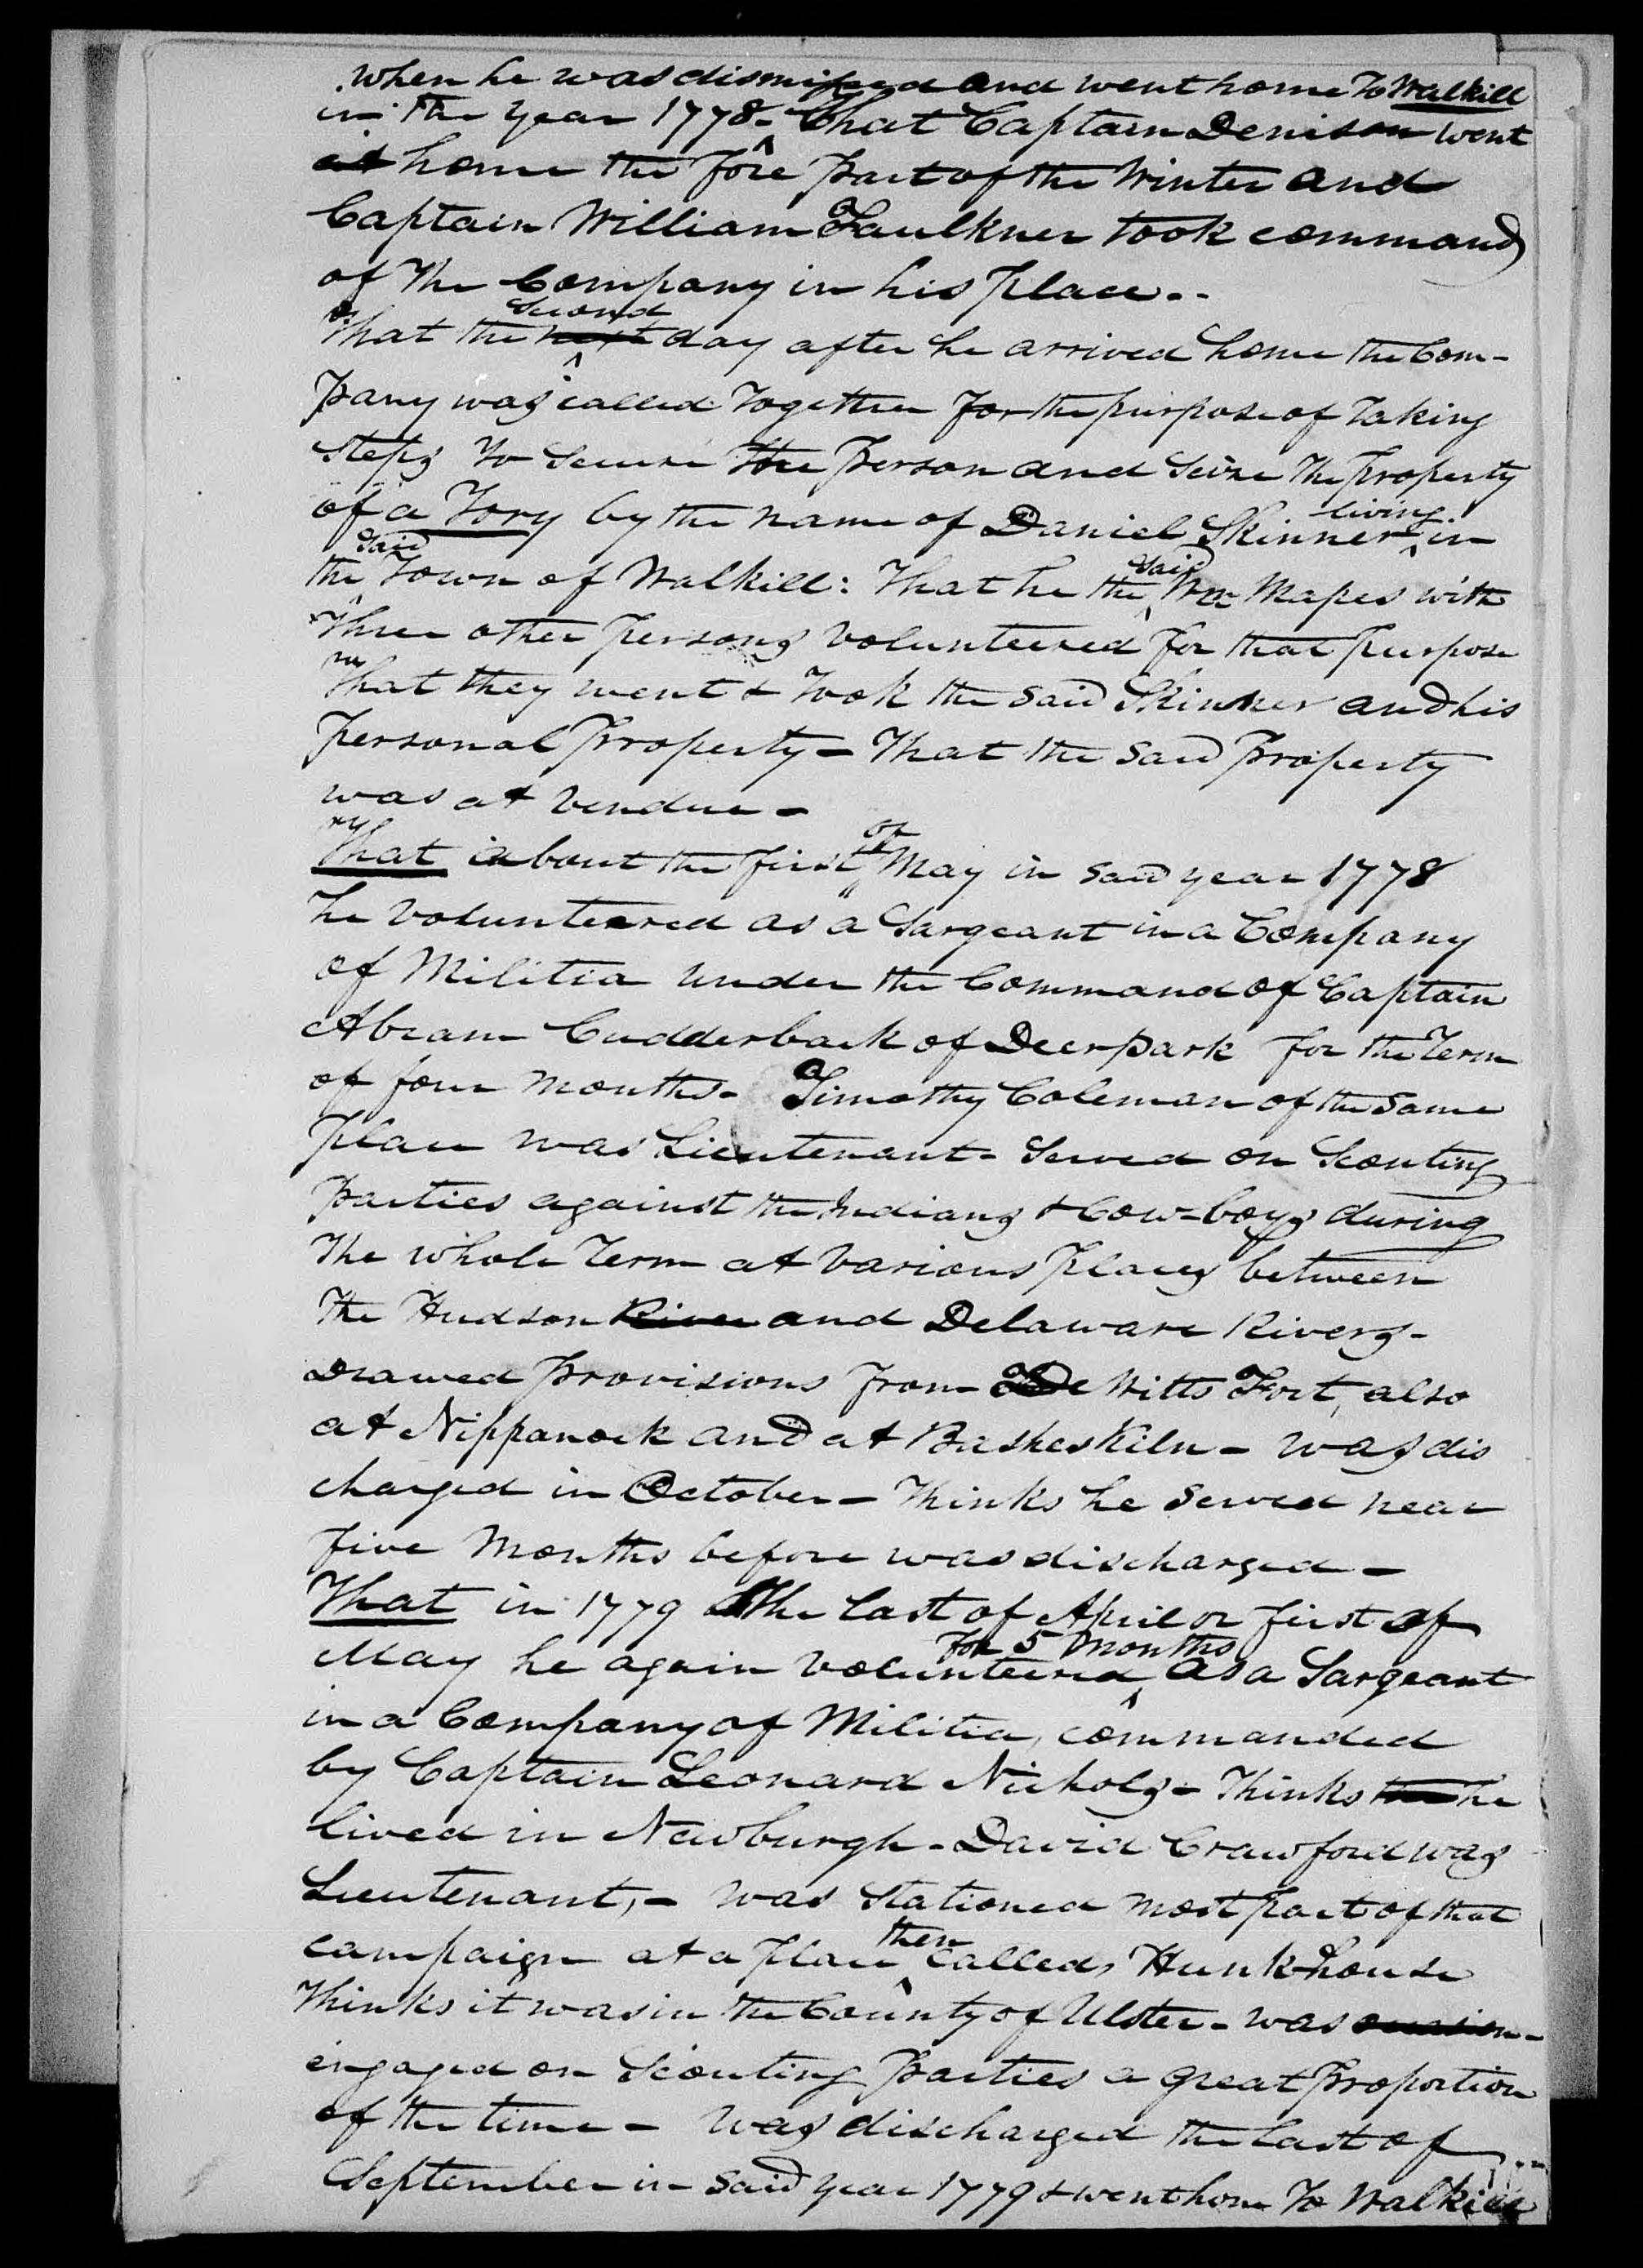when he was dismissed and went home to Walkill in the year 1778 - 
That Captain Denison went at home the fore part of the winter and Captain William Faulkner took command of the Company in his place -that the second day after he arrived home the company was called together for the purpose of taking Steps to secure the person and seize the property of a tory by the name of Daniel Skinner  living in the said Town of Wallkill: 
That he the said Wm Mapes with three other persons volunteered for that purpose 
That they went & took the said Skinner and his personal property - That the said property was at vendus -
That about the first of May in said year 1778 he volunteered as a Sargeant in a company of Militia under the command of Captain Abram Cuddeback of Deerpark for the Term of four months. Timothy Coleman of the same place was Lieutenant - 
Served on scouting parties against the Indians & Cow=boys during The whole Term at various places between the Hudson [crossed out-River] and Delaware Rivers 
Drawed provisions from DeWitts Fort, also at Nippanock and at Basheskiln-
Was discharged in October - thinks he served near five months before was discharged- 
That in 1779 the last of April or first of May he again volunteered for 5 months as a Sargeant in a company of Militia, commanded by Captain Leonard Nichols- Thinks he lived in Newburgh, David Crawford was Lieutenant - was stationed most part of that campaign at a place then called, Hunkhouse -  thinks it was in the County of Ulster - was engaged in scouting parties a great proportion of the time-- was discharged the last of September in said year 1779 & went home to Walkill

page: 15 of 30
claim: survivor's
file: S. 13,873, for William Mapes, New York